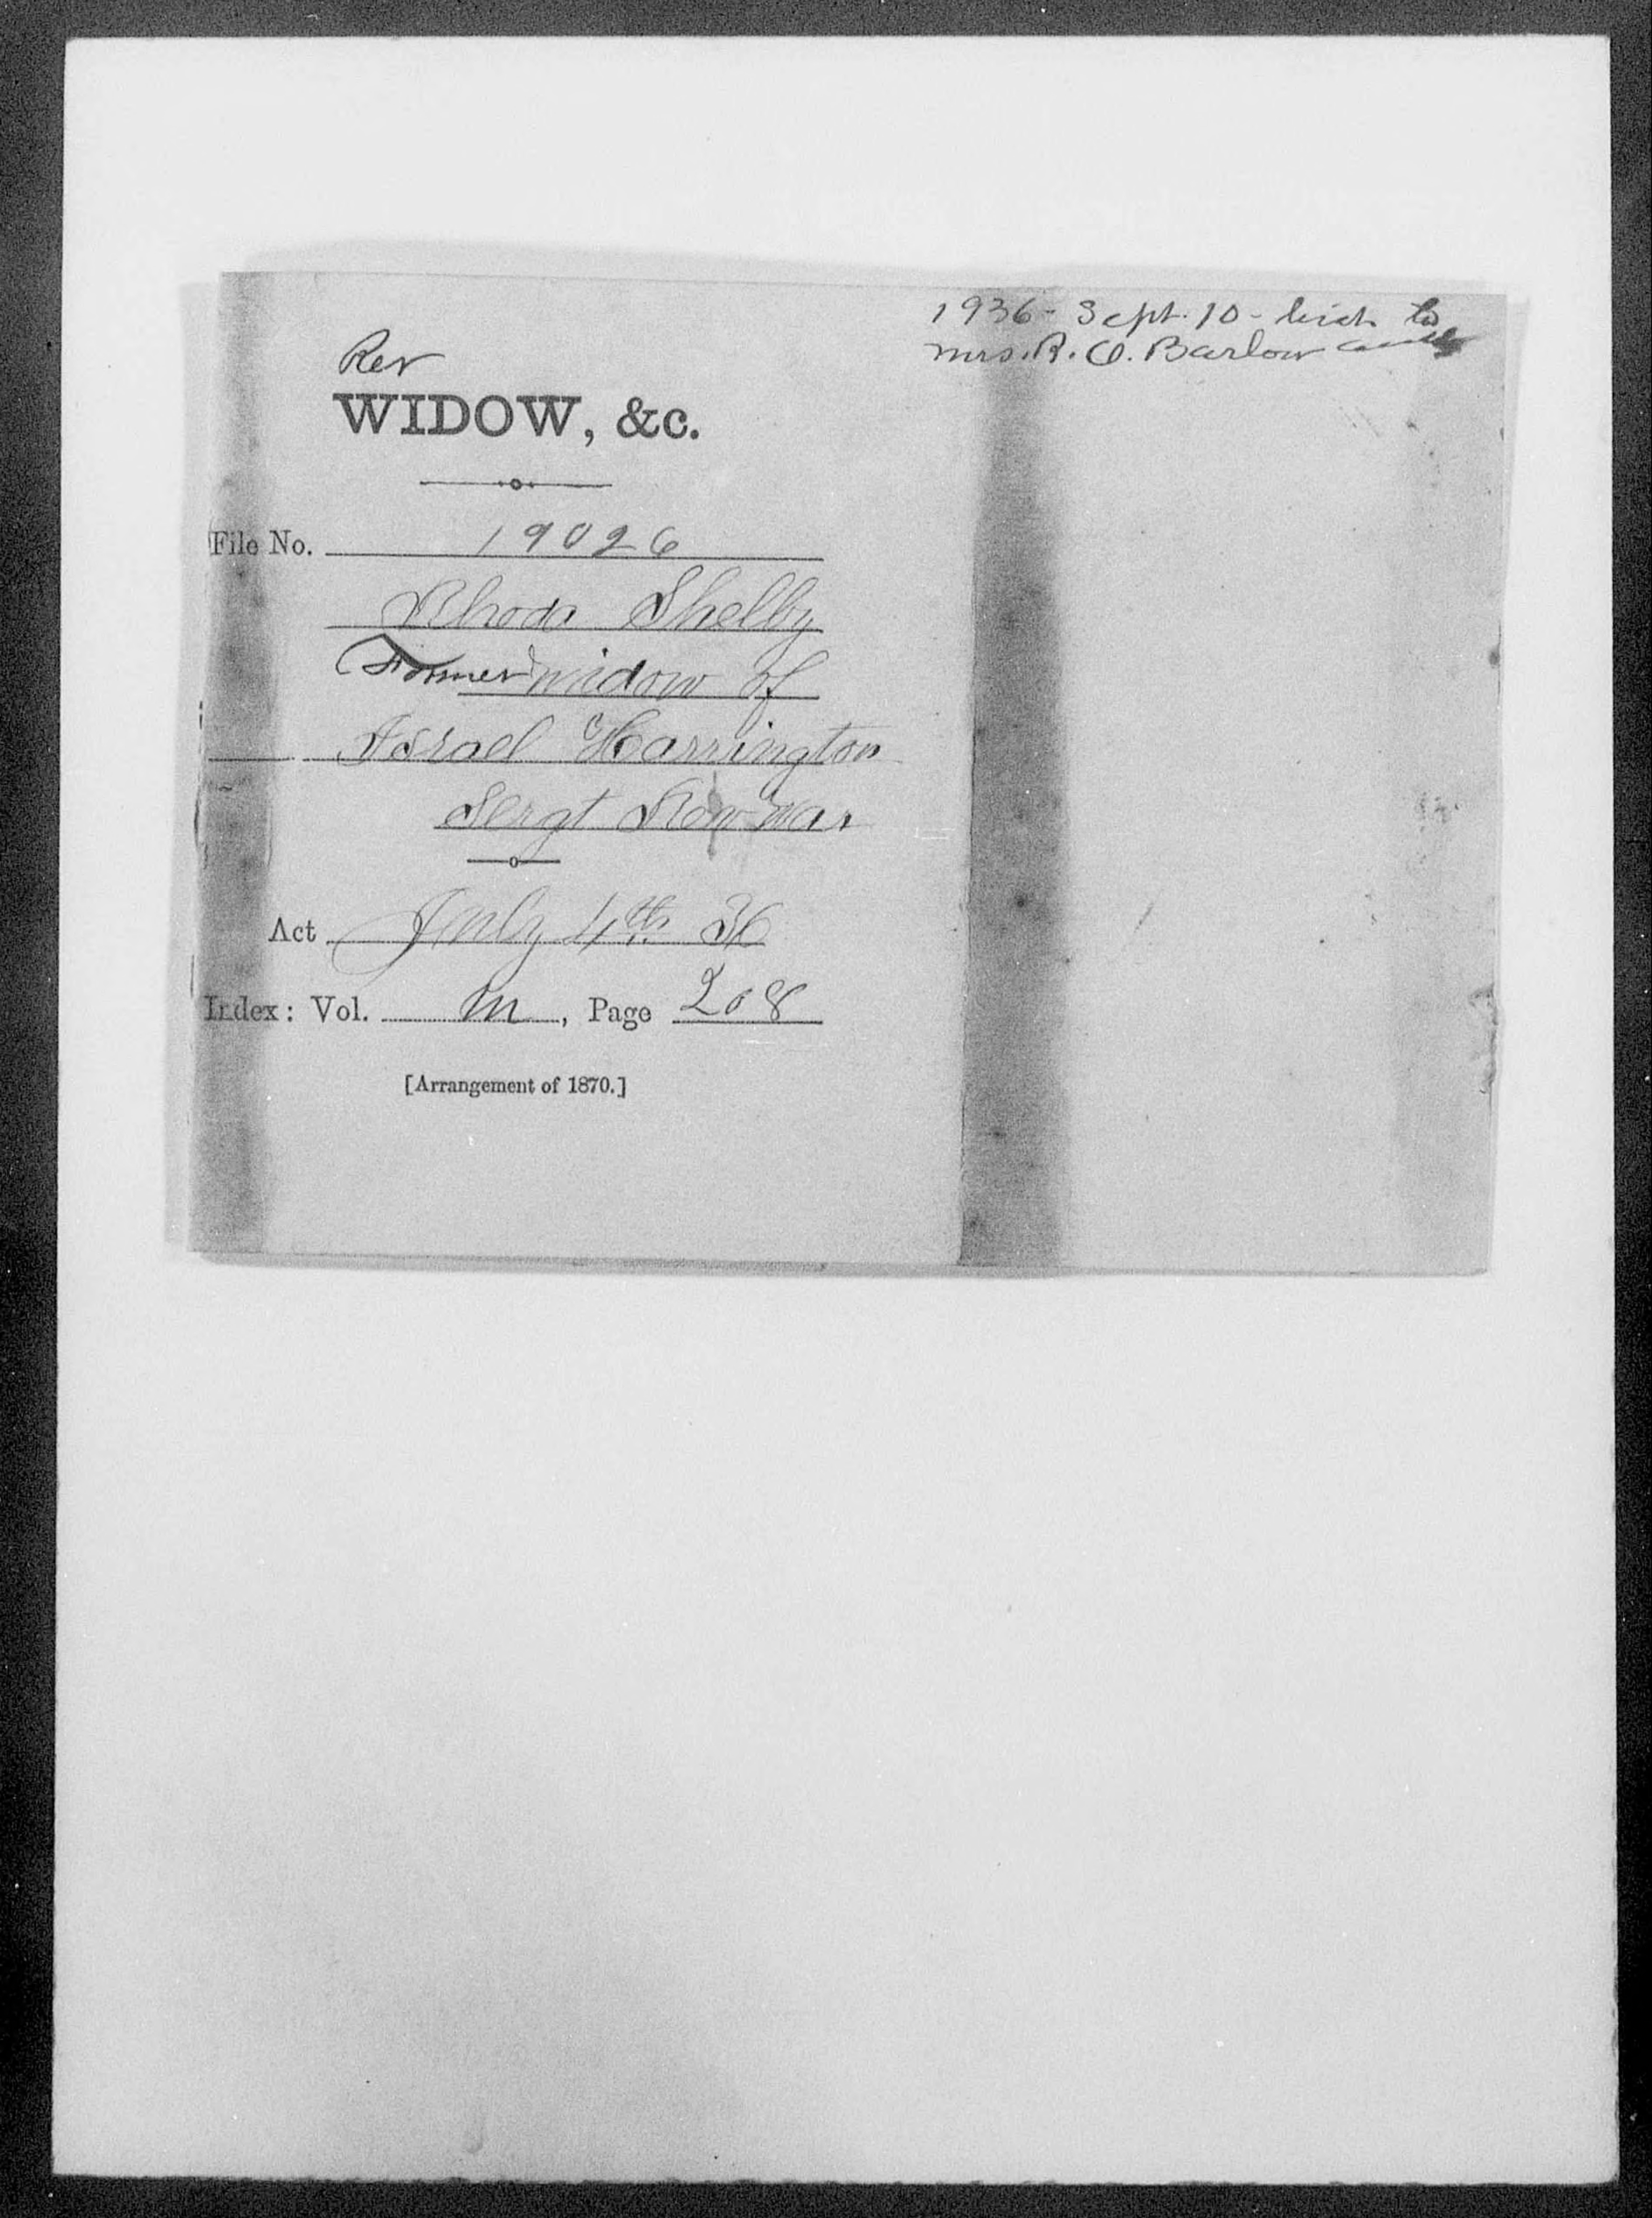Rev
WIDOW, &c.

File No. 19026
Rhoda Shelly Former widow of Israel Harrington

Sergt Rev war

Act July 4th 36
Index: Vol. M, Page 208

[Arrangement of 1870.]


1836 - Sept. 10 - hist to Mrs. R. O. Barlow carded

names: R O Barlow, Israel Harrington, Rhoda Shelby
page: 15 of 51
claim: widow's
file: W. 19,026, Israel Harrington, R.I.